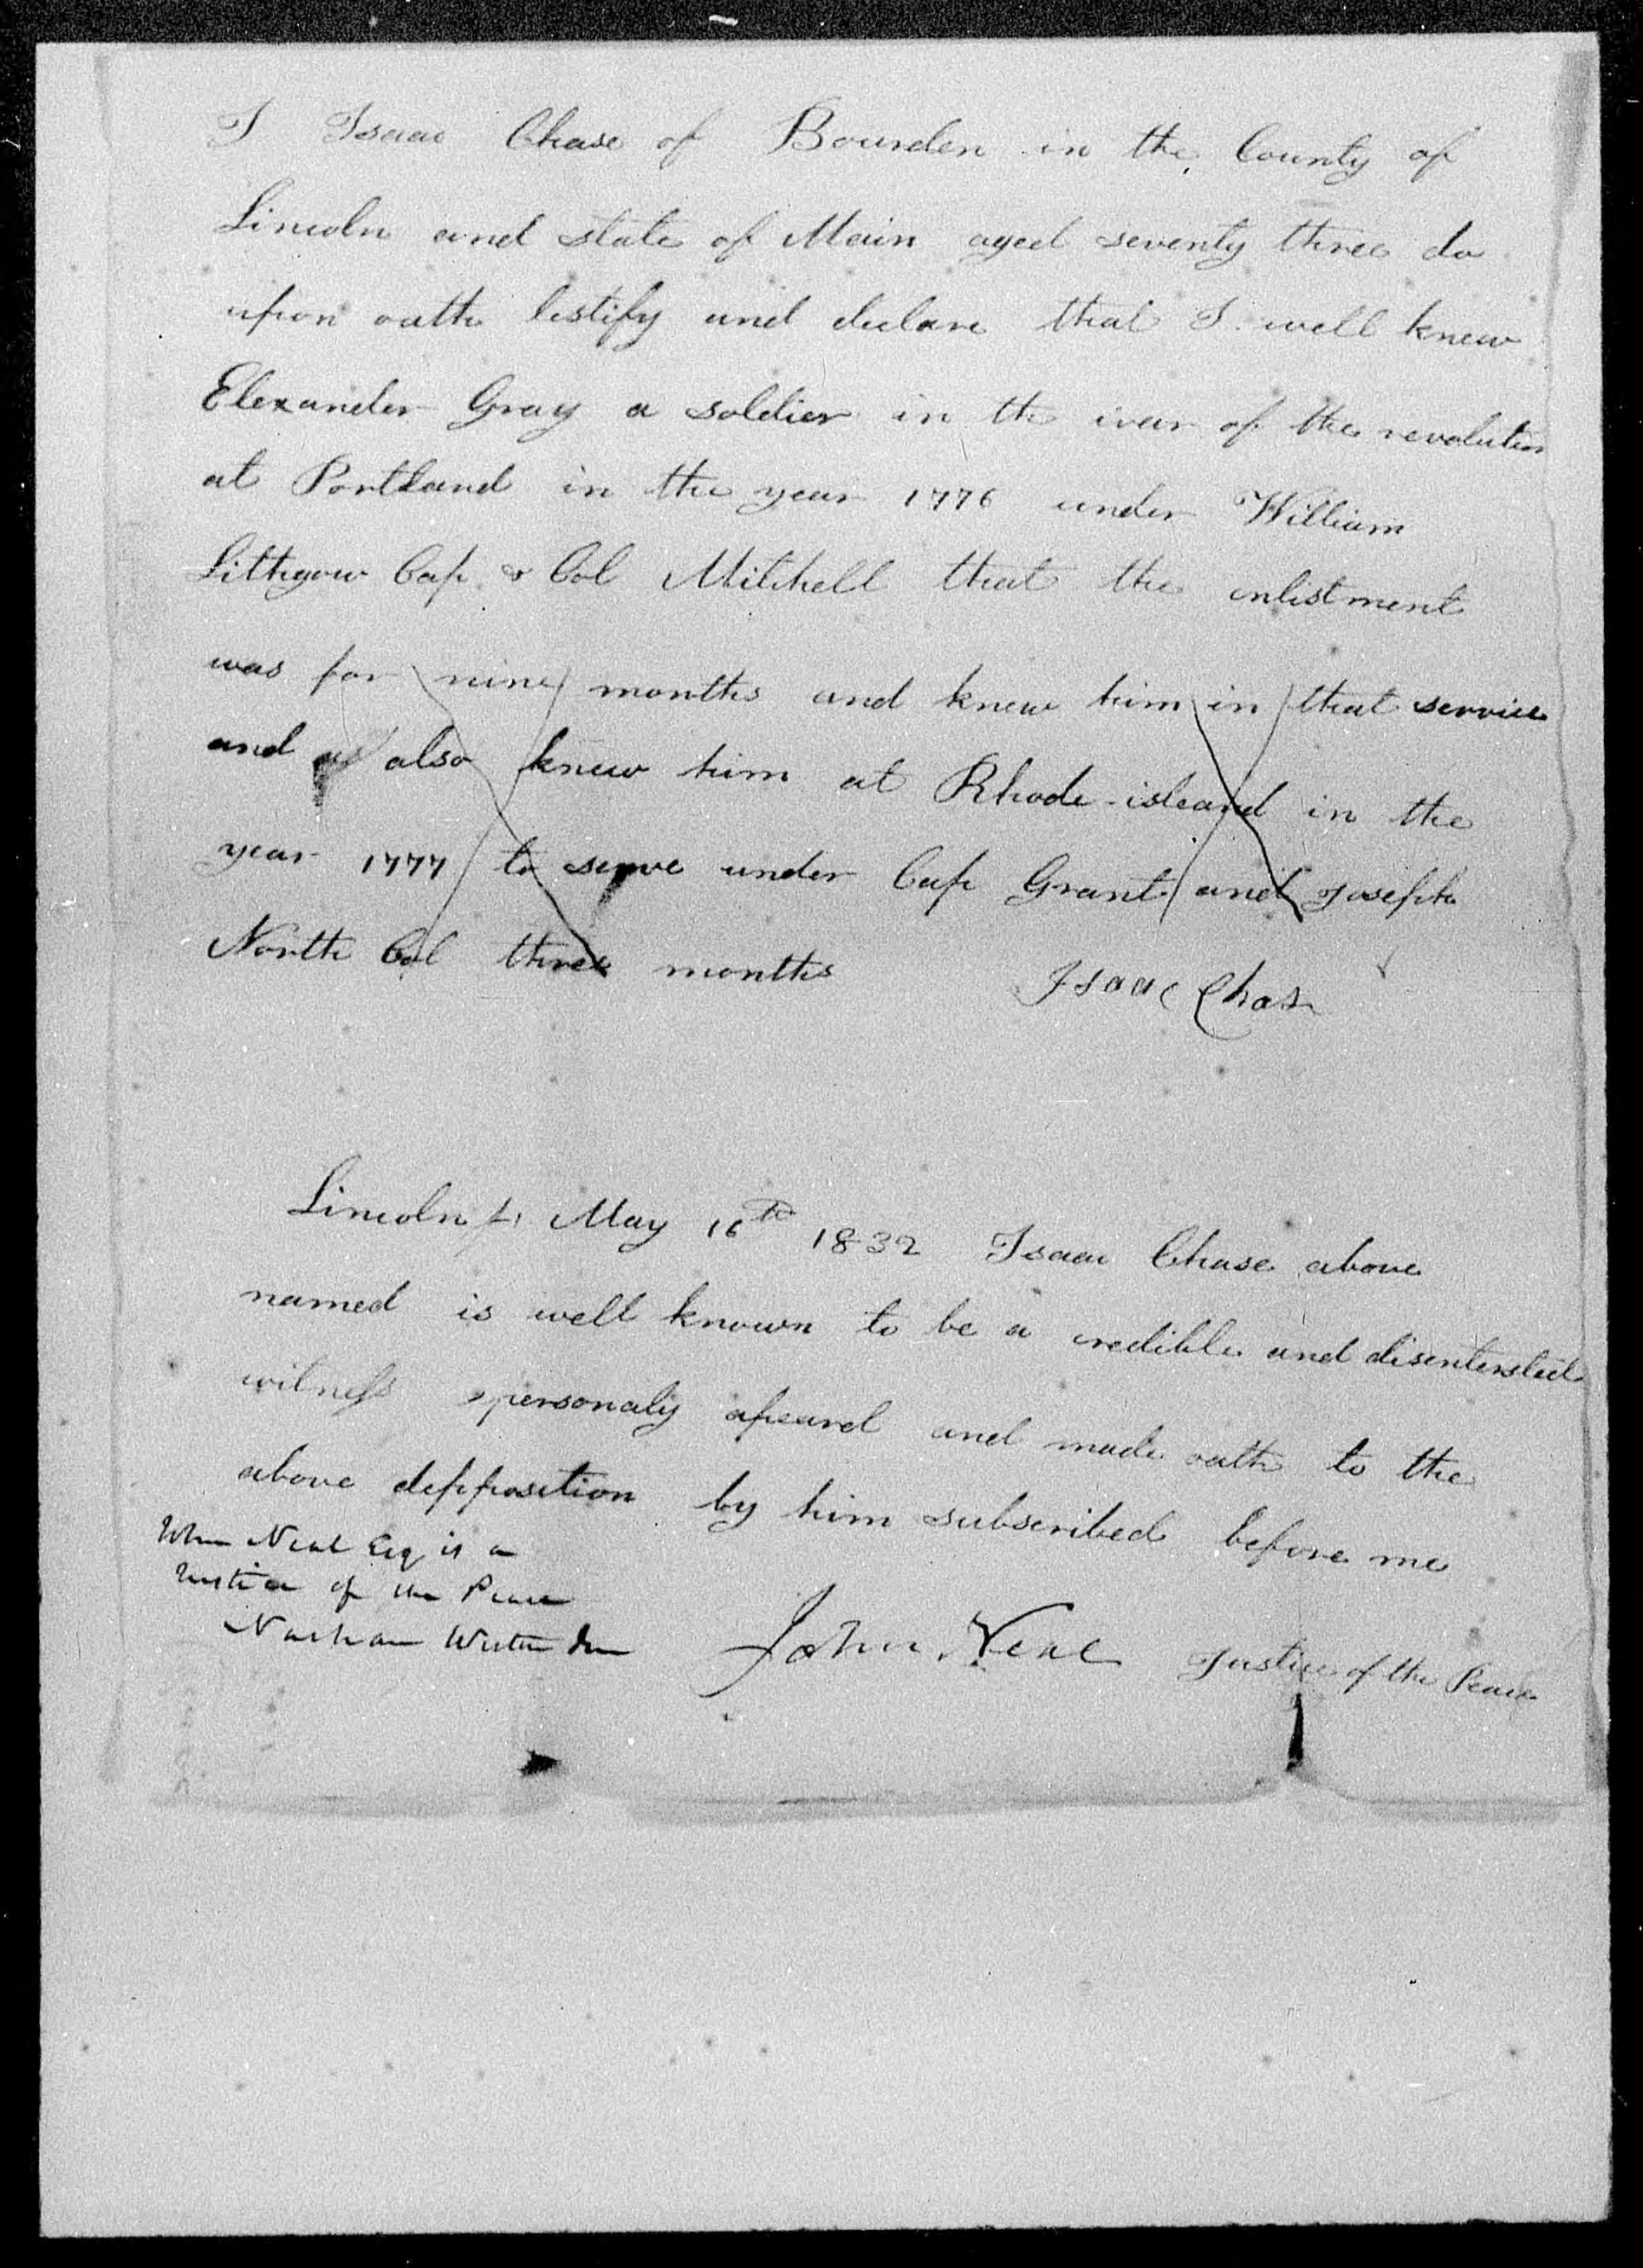I Isaac Chase of Bourden in the County of
Lincoln and State of Main aged seventy three do
upon oath testify and declare that I well knew
Elexander Gray a soldier in the war of the revolution
at Portland in the year 1776 under William
Lithgow Cap. & Col Mitchell that the enlistment
was for nine months and knew him in that service
and also knew him at Rhode island in the year
1777 to serve under Cap Grant and Joseph
North Cal three months
Isaac Chase

Lincoln, May 16th 1832 Isaac Chase above
named is well known to be a credible and disintersted
witness personally apeared and made oath to the
above depposition by him subscribed before me
John Neal Justice of the Peace

John Neal Esq is a 
Justice of the Peace
Nathan Weston Jun'r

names: John Neal, Joseph North, Elexander Gray, Grant, Isaac Chase, Isaac Chase, Nathan Weston, William Lithgow, Isaac Chase, John Neal, Mitchell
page: 8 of 13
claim: survivor's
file: S. 18845, Alexander Gray, Mass.